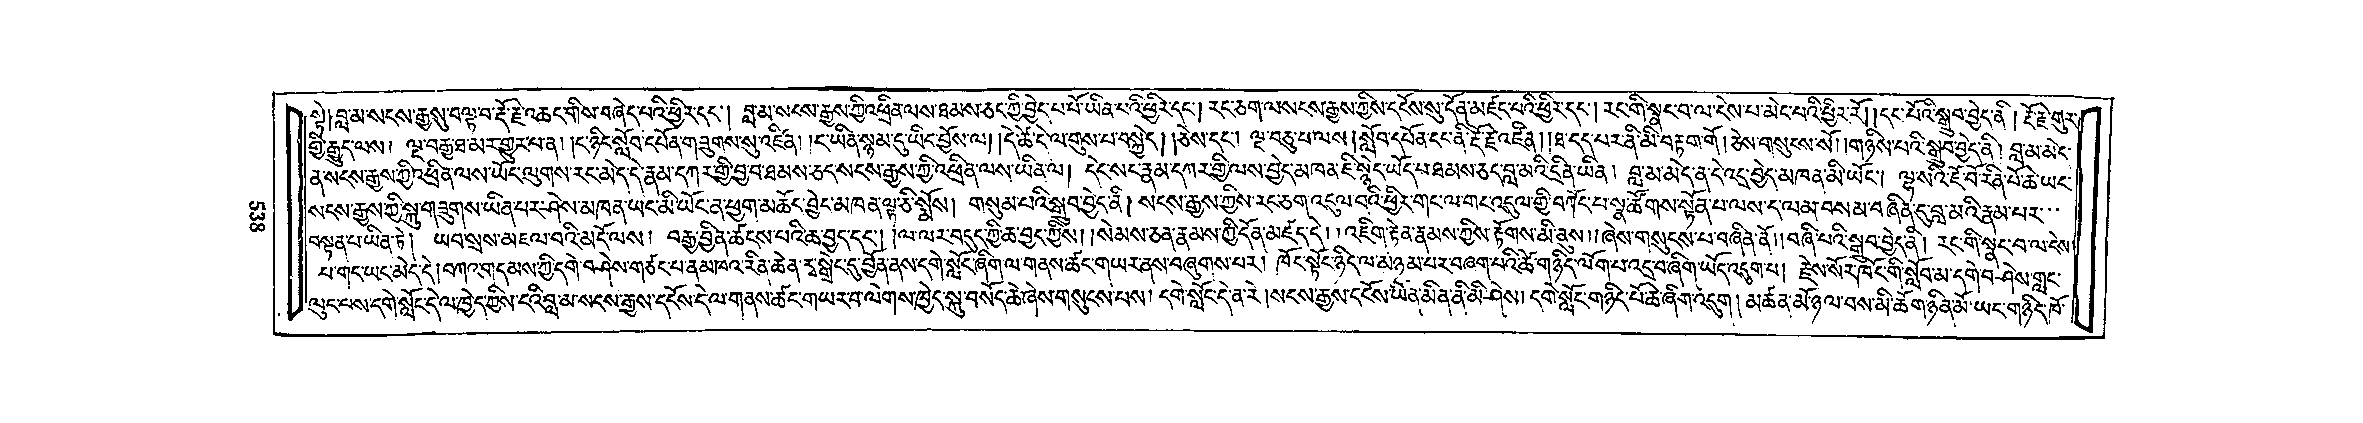སྟེ། བླ་མ་སངས་རྒྱས་སུ་བལྟ་བ་རྡོ་རྗེ་འཆང་གིས་བཞེད་པའི་ཕྱིར་དང་། བླ་མ་སངས་རྒྱས་ཀྱི་འཕྲིན་ལས་ཐམས་ཅད་ཀྱི་བྱེད་པ་པོ་ཡིན་པའི་ཕྱིར་དང་། རང་ཅག་ལ་སངས་རྒྱས་ཀྱིས་དངོས་སུ་དོན་མཛད་པའི་ཕྱིར་དང་། རང་གི་སྣང་བ་ལ་ངེས་པ་མེད་པའི་ཕྱིར་རོ། །དང་པོའི་སྒྲུབ་བྱེད་ནི། རྡོ་རྗེ་གུར་
གྱི་རྒྱུད་ལས། ལྔ་བརྒྱ་ཐ་མར་གྱུར་པ་ན། །ང་ཉིད་སློབ་དཔོན་གཟུགས་སུ་འཛིན། །ང་ཡིན་སྙམ་དུ་ཡིད་བྱོས་ལ། །དེ་ཚེ་དེ་ལ་གུས་པ་བསྐྱེད། །ཅེས་དང་། ལྔ་བཅུ་པ་ལས། སློབ་དཔོན་དང་ནི་རྡོ་རྗེ་འཛིན། །ཐ་དད་པར་ནི་མི་བརྟག་གོ །ཅེས་གསུངས་སོ། །གཉིས་པའི་སྒྲུབ་བྱེད་ནི། བླ་མ་མེད་
ན་སངས་རྒྱས་ཀྱི་འཕྲིན་ལས་ཡོང་ལུགས་རང་མེད་དེ་རྣམ་དཀར་གྱི་བྱ་བ་ཐམས་ཅད་སངས་རྒྱས་ཀྱི་འཕྲིན་ལས་ཡིན་ལ། དེང་སང་རྣམ་དཀར་གྱི་ལས་བྱེད་མཁན་ཇི་སྙེད་ཡོད་པ་ཐམས་ཅད་བླ་མའི་དྲིན་ཡིན། བླ་མ་མེད་ན་དེ་འདྲ་བྱེད་མཁན་མི་ཡོང་། ལྷ་སའི་ཇོ་བོ་རིན་པོ་ཆེ་ཡང་
སངས་རྒྱས་ཀྱི་སྐུ་གཟུགས་ཡིན་པར་ཤེས་མཁན་ཡང་མི་ཡོང་ན་ཕྱག་མཆོད་བྱེད་མཁན་ལྟ་ཅི་སྨོས། གསུམ་པའི་སྒྲུབ་བྱེད་ནི། སངས་རྒྱས་ཀྱིས་རང་ཅག་འདུལ་བའི་ཕྱིར་གང་ལ་གང་འདུལ་གྱི་བཀོད་པ་སྣ་ཚོགས་སྟོན་པ་ལས་ད་ལམ་བསམ་བཞིན་དུ་བླ་མའི་རྣམ་པར་
བསྟན་པ་ཡིན་ཏེ། ཡབ་སྲས་མཇལ་བའི་མདོ་ལས། བརྒྱ་བྱིན་ཚངས་པའི་ཆ་བྱད་དང་། །ལ་ལར་བདུད་ཀྱི་ཆ་བྱད་ཀྱིས། །སེམས་ཅན་རྣམས་ཀྱི་དོན་མཛད་དེ། །འཇིག་རྟེན་རྣམས་ཀྱིས་རྟོགས་མི་ནུས། །ཞེས་གསུངས་པ་བཞིན་ནོ། །བཞི་པའི་སྒྲུབ་བྱེད་ནི། རང་གི་སྣང་བ་ལ་ངེས་
པ་གང་ཡང་མེད་དེ། བཀའ་གདམས་ཀྱི་དགེ་བཤེས་གཙང་པ་ན་ནམ་མཁའ་རིན་ཆེན་རྭ་སྒྲེང་དུ་བྱོན་ནས་དགེ་སློང་ཞིག་ལ་གནས་ཚང་གཡར་ནས་བཞུགས་པར། ཁོང་སྟོང་ཉིད་ལ་མཉམ་པར་བཞག་པའི་ཚེ་གཉིད་ལོག་པ་འདྲ་བ་ཞིག་ཡོད་འདུག་པ། རྗེས་སོར་ཁོང་གི་སློབ་མ་དགེ་བཤེས་གླང་
ལུང་པས་དགེ་སློང་དེ་ལ་ཁྱེད་ཀྱིས་ངའི་བླ་མ་སངས་རྒྱས་དངོས་དེ་ལ་གནས་ཚང་གཡར་བ་ལེགས་ཁྱེད་སྐུ་བསོད་ཆེ་ཞེས་གསུངས་པས། དགེ་སློང་དེ་ན་རེ། སངས་རྒྱས་དངོས་ཡིན་མིན་ནི་མི་ཤེས། དགེ་སློང་གཉིད་པོ་ཆེ་ཞིག་འདུག །མཚན་མོ་ཉལ་བས་མི་ཆོག་ཉིན་མོ་ཡང་གཉིད་ཁོ་